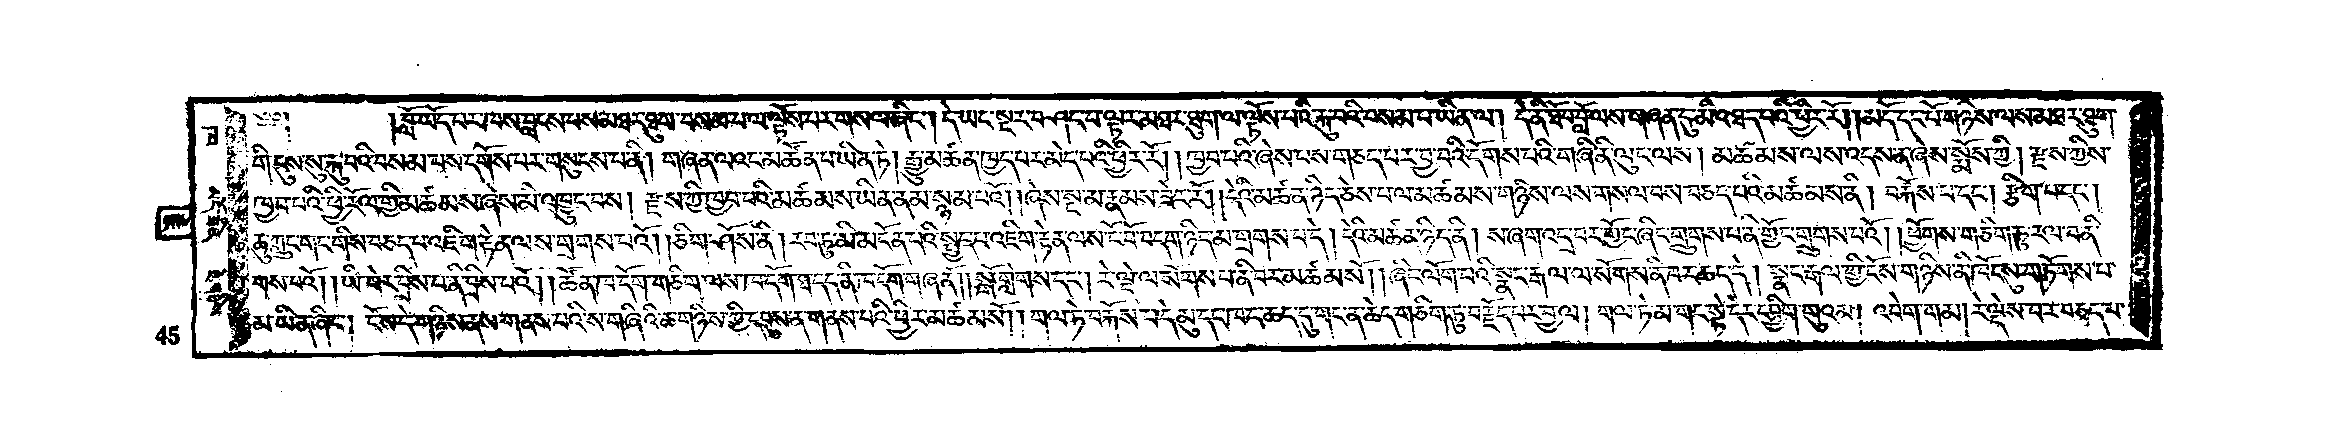༄༅། །བློ་ཡོད་པར་ཁས་བླངས་པས་མཐར་ཐུག་བསམ་པ་ལ་ལྟོས་པར་གསལ་ཞིང་། དེ་ཡང་སྔར་བཤད་པ་ལྟར་མཐར་ཐུག་ལ་ལྟོས་པའི་རྐུ་བའི་བསམ་པ་ཡིན་ལ། དེ་ནི་ཐོབ་བློ་ལས་གཞན་དུ་མི་འཐད་པའི་ཕྱིར་རོ། །མདོ་དང་པོ་གཉིས་ལས་མཐར་ཐུག་
གི་དུས་སུ་རྐུ་བའི་བསམ་པས་དགོས་པར་གསུངས་པ་ནི། གཞན་ལའང་མཚོན་པ་ཡིན་ཏེ། རྒྱུ་མཚན་ཁྱད་པར་མེད་པའི་ཕྱིར་རོ། །ཁྱབ་པའི་ཞེས་པས་གཅད་པར་བྱ་བའི་དོགས་པའི་གཞི་ནི་ལུང་ལས། མཚམས་ལས་འདས་ན་ཞེས་སྨོས་ཀྱི། རྫས་ཀྱིས་
ཁྱབ་པའི་ཕྱི་རོལ་གྱི་མཚམས་ཞེས་མི་འབྱུང་བས། རྫས་ཀྱི་ཁྱབ་པའི་མཚམས་ཡིན་ནམ་སྙམ་པའོ། །ཞེས་སྔ་མ་རྣམས་ཟེར་རོ། །དེའི་མཚན་ཉིད་ཅེས་པ་ལ་མཚམས་གཉིས་ལས་གསལ་བས་བཅད་པའི་མཚམས་ནི། བརྐོས་པ་དང་། རྩིག་པ་དང་།
ཆུ་ཀླུང་གང་གིས་བཅད་པ་འཇིག་རྟེན་ལས་གྲགས་པའོ། །ཅིག་ཤོས་ནི། རབ་ཏུ་མི་མངོན་པའི་སྤྱད་པ་འཇིག་རྟེན་ལས་ངོ་བོ་བདག་ཉིད་མ་གྲགས་པ་དེ། དེའི་མཚན་ཉིད་ནི། ས་ཞག་འདྲ་བར་གྱོང་ཞིང་གྲུགས་པ་ནི་གྱོང་གྲུགས་པའོ། །ཕྱོགས་གཅིག་ཏུ་རལ་བ་ནི་
གས་པའོ། །ཡི་གེར་བྲིས་པ་ནི་བྲིས་པའོ། །ཚོན་ཁ་དོག་གཅིག་ལས་ཁ་དོག་ཐ་དད་ནི་ཁ་དོག་གཞན་ནོ། །སྒོ་གླེགས་དང་། རེ་ལྡེ་ལ་སོགས་པ་ནི་བར་མཚམས་སོ། །ཞིང་ལོག་པའི་སྣང་རྒལ་ལ་སོགས་ནི་བར་ཆད་དེ། སྣང་རྒལ་གྱི་ངོས་གཉིས་ནི་ཁོངས་སུ་གཏོགས་པ་
མ་ཡིན་ཞིང་། ངོས་དེ་གཉིས་ནས་གནས་པའི་ས་གཞིའི་ཆ་གཉིས་ཀྱི་དབུས་ན་གནས་པའི་ཕྱིར་མཚམས་སོ། །གལ་ཏེ་བརྐོས་པ་དེ་མུ་དང་ཁ་ད་ཆད་དུ་གང་ན་ཆེད་གཅིག་ཏུ་བརྗོད་པར་བྱ་ལ། གལ་ཏེ་མ་གང་སྟེ་དེར་དབྱིག་གུའམ། འབེག་གམ། རེ་ལྡེས་བར་བཅད་པ་